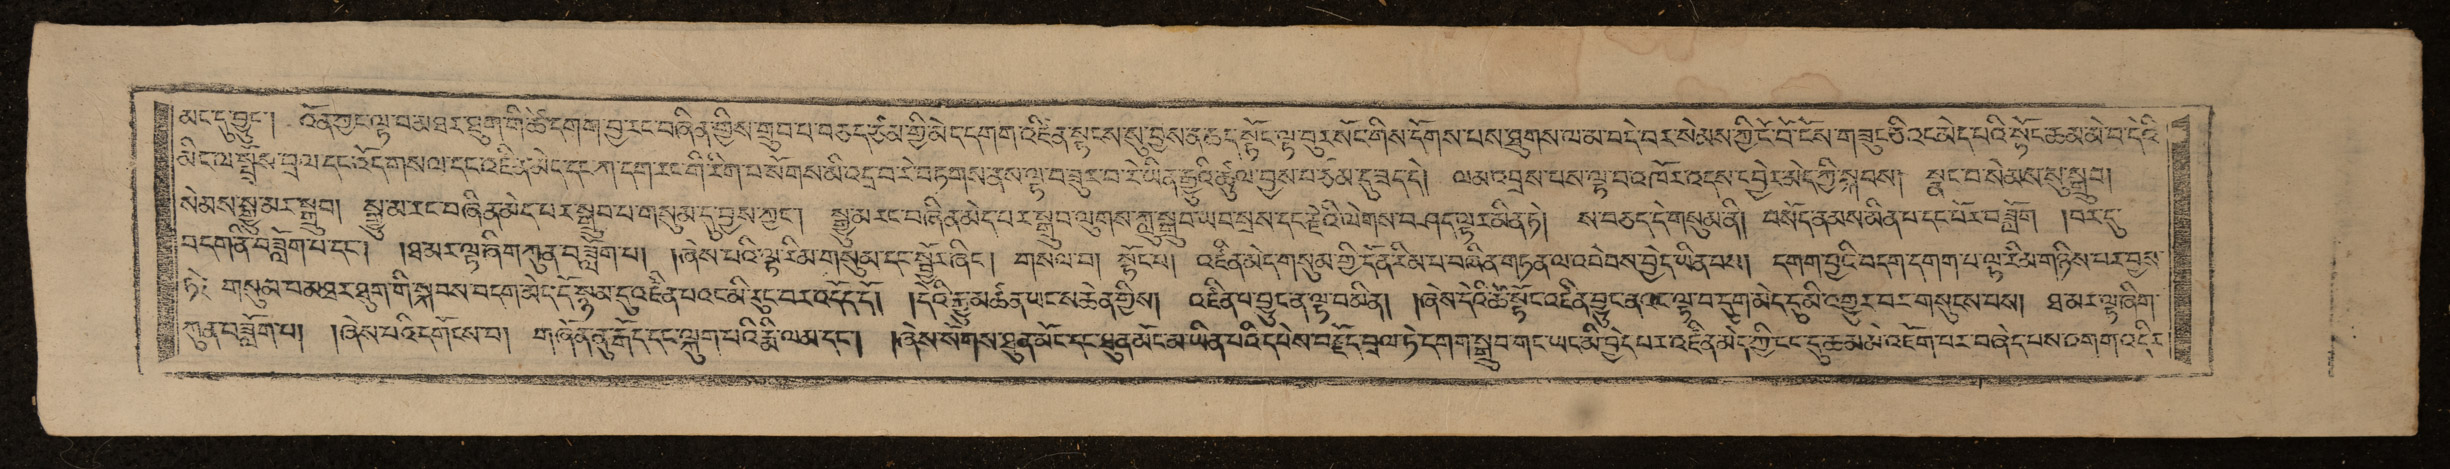མང་དུ་བྱུང་། འོན་ཀྱང་ལྟ་བ་མཐར་ཐུག་གི་ཆེ་དགག་བྱ་རང་བཞིན་གྱིས་གྲུབ་པ་བཅད་ཙམ་གྱི་མེད་དགག་འཛིན་སྟངས་སུ་བྱས་ན་ཆད་སྟོང་ལྟ་བུར་སོང་གིས་དོགས་པས་ཐུགས་ལ་མ་བདེ་བར་སེམས་ཀྱི་ངོ་བོ་ངོས་གཟུང་ཅིའང་མེད་པའི་སྟོང་ཆམ་མེ་བ་དེའི་
མིང་ལ་སྤྲོས་བྲལ་དང་འོད་གསལ་དང་འཛིན་མེད་དང་ཀ་དག་རང་གི་རིག་པ་སོགས་མི་འདྲ་བ་རེ་བཏགས་ནས་ལྟ་བ་ཟུར་པ་རེ་ཡིན་རྒྱུའི་ཚུལ་བྱས་པ་ཙམ་དུ་ཟད་དེ། ལམ་འབྲས་པས་ལྟ་བ་འཁོར་འདས་དབྱེར་མེད་ཀྱི་སྐབས། སྣང་བ་སེམས་སུ་སྒྲུབ།
སེམས་སྒྱུ་མར་སྒྲུབ། སྒྱུ་མ་རང་བཞིན་མེད་པར་སྒྲུབ་པ་གསུམ་དུ་བྱས་ཀྱང་། སྒྱུ་མ་རང་བཞིན་མེད་པར་སྒྲུབ་ལུགས་ཀླུ་སྒྲུབ་ཡབ་སྲས་དང་རྗེའི་ལེགས་བཤད་ལྟར་མིན་ཏེ། ས་བཅད་དེ་གསུམ་ནི། བསོད་ནམས་མིན་པ་དང་པོར་བཟློག །བར་དུ་
བདག་ནི་བཟློག་པ་དང་། །ཐ་མར་ལྟ་ཞིག་ཀུན་བཟློག་པ། །ཞེས་པའི་ལྟ་རིམ་གསུམ་དང་སྦྱོར་ཞིང་། གསལ་བ། སྟོང་པ། འཛིན་མེད་གསུམ་གྱི་དོན་རིམ་པ་བཞིན་གཏན་ལ་འབེབས་བྱེད་ཡིན་པས། དགག་བྱའི་བདག་དགག་པ་ལྟ་རིམ་གཉིས་པར་བྱས་
ཏེ། གསུམ་པ་མཐར་ཐུག་གི་སྐབས་བདག་མེད་དོ་སྙམ་དུ་འཛིན་པའང་མི་རུང་པར་འདོད་དོ། །དེའི་རྒྱུ་མཚན་ཡངས་ཆེན་གྱིས། འཛིན་པ་བྱུང་ན་ལྟ་བ་མིན། །ཞེས་དེའི་ཚེ་སྟོང་འཛིན་བྱུང་ནའང་ལྟ་བ་དུག་མེད་དུ་མི་འགྱུར་བར་གསུངས་པས། ཐ་མར་ལྟ་ཞིག་
ཀུན་བཟློག་པ། །ཞེས་པའི་དགོངས་པ། གཞོན་ནུ་རྒོད་དང་ལྐུག་པའི་རྨི་ལམ་དང་། །ཞེས་སོགས་ཐུན་མོང་དང་ཐུན་མོང་མ་ཡིན་པའི་དཔེས་བརྗོད་བྲལ་ཏེ་དགག་སྒྲུབ་གང་ཡང་མི་བྱེད་པར་འཛིན་མེད་ཀྱི་ངང་དུ་ཆམ་མེ་འཇོག་པར་བཞེད་པས་འགག་འདིར་